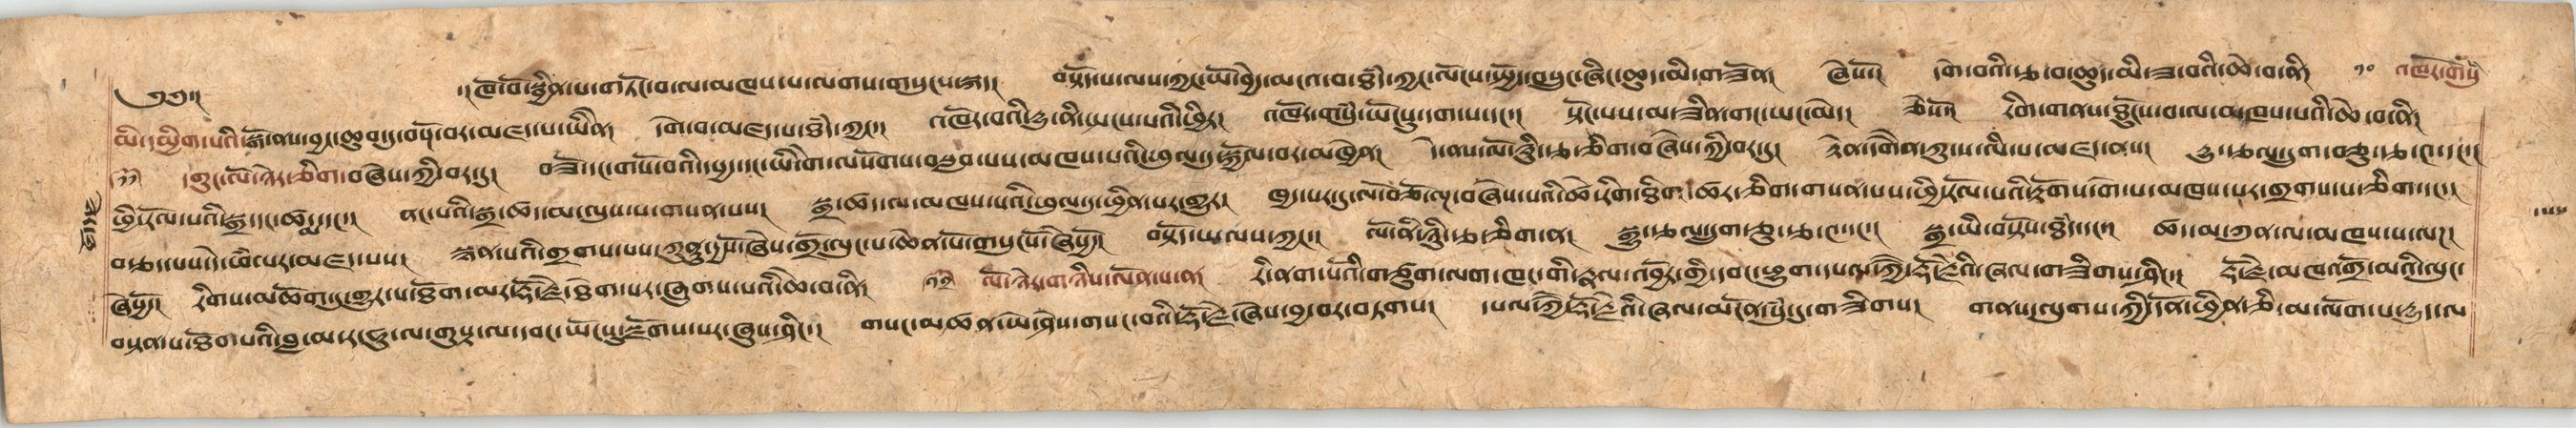་།ཁོ་བོ་སྦྱིན་པ་གཏོང་བ་ལ་མཁས་པ་ལགས་གསུངས་སྐད། བསྟོད་པ་ལས་ཀྱང་ཡོ་བྱེད་མངའ་བ་ཐཾད་ཀྱང་ལོངས་སྤྱོད་བསྲུང་ཞིང་ཆུད་མི་གཟོན། ཞེསོ་། དགེ་བའི་རྩ་བ་ཆུད་མི་ཟ་བའི་ཆེ་བ་ནི།
མི་དམྱིག་པའི་སྒོ་ནས་བྱང་ཆུབ་ཏུ་བསྔོ་བར་མཛད་པ་ཡིནེ། དགེ་བ་མཛད་པ་ཐཾད་ཀྱང་། འཁོར་བའི་དྱུ་ནི་སྤངས་པའི་ཕྱིར། འཁོར་གསུཾ་ཡོངསུ་དག་པ་དང་། སྟོང་པས་མ་ཟིན་གང་ཡང་མེད། ཅེསོ། རིག་གནས་ཐོུངས་བ་ལ་མཁས་པའི་ཆེ་བ་ནི།
༼༡༡༽ དགུང་ལོ་ཉེར་ཅིག་བཞེས་ཀྱི་བར་དུ། བཟོ་དང་གསོ་བའི་དཔྱད་དང་ཡི་གེ་ལསོགས་བསླབ་པས་མཁས་པའི་ཕུལ་དུ་སྐྱོལ་བར་མཁྱེན། དེ་ནས་ལོ་ཉིུ་རྩ་ཅིག་བཞེས་ཀྱི་བར་དུ། རྟེན་དགཻན་ཀུ་ས་ལི་པ་མཛད་ནས། དྱུ་རྩལ་དྲུག་བཅུ་རྩ་༤་དང་།
ཕྱི་རོལ་པའི་སྒྲ་དང་ཚདྨ་དང་། ནང་པའི་སྒྲ་ཚད་མ་ལུས་པར་གསན་པས། སྒྲ་ཚད་ལ་མཁས་པའི་ཕུལ་དུ་ཕྱིན་པར་གྱུར། ཁྱད་པར་དུ་ལོ་བཅོ་ལྔ་བཞེས་པའི་ཚེ་རིག་ཐིག་ཚར་ཅིག་གསན་པས་ཕྱི་རོལ་པའི་རྟོགས་གེ་པ་མཁས་པར་གྲགས་པ་ཅིག་དང་།
བརྩད་པས་དེ་ཕཾ་པར་མཛད་པས། སྙན་པའི་གྲགས་པས་ཀུནུ་དྱསོ་ཞེས་གྲོ་ལུང་པ་ཆེན་པོ་གསུངསོ་ཞེསྱོ་། བསྟོད་པ་ལས་ཀྱང་། ལོ་ནི་ཉིུརྩ་གཅིག་ན། སྒྱུ་རྩལ་དྲུག་ཅུ་རྩ་༤་དང་། སྒྲ་ཡི་བསྟོས་ཐཾད་དང་། ཚད་མ་ཀུན་ལ་མཁས་པ་ལཌ།
ཞེསྱོ་། རིགས་མཆོག་དུ་གྱུར་པ་ཐོག་མར་རྡོ་རྗེ་ཐེག་པར་ཞུགས་པའི་ཆེ་བ་ནི། ༼༡༢༽ ལོ་ཉེར་གཉིས་ལོན་པ་ན། རི་ནག་པོའི་གཙུག་ལག་ཁང་གི་རྣལ་འབྱོར་གྱི་དབང་ཕྱུག་དཔལ་ཀྱཻ་རྡོ་རྗེའི་ཞལ་གཟིགས་ཤིང་། རྡོ་རྗེ་མཁའགྲོ་མའི་ལུང་
བསྟན་པ་ཐོབ་པའི་བླ་མ་ར་ཧུ་ལ་གུཔྟ་ལ་དབང་ཡོངསུ་སྫོགས་པར་ཞུས་ཤིང་། གསང་མཚན་ཡེ་ཤེས་གསང་བའི་རྡོ་རྗེ་ཞེས་བྱ་བར་བཏགས། དཔལ་ཀྱཻ་རྡོ་རྗེའི་ཞལ་མངོན་སུཾ་དུ་གཟིགས། གནས་ལུགས་ཀྱི་དོན་ཕྱིན་ཅི་མ་ལོག་པ་དྱུད་ལ